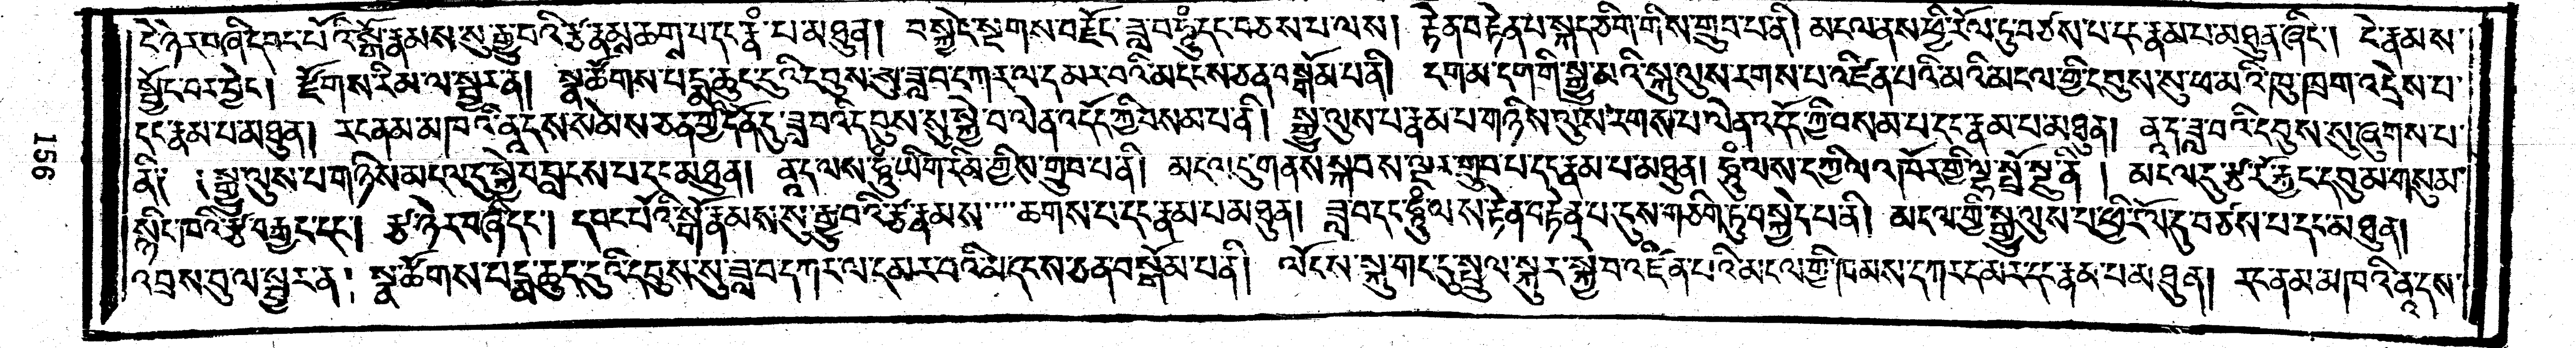དེ་ཉེར་བཞི་དབང་པོའི་སྒོ་རྣམས་སུ་རྒྱུ་བའི་རྩ་རྣམས་ཆགས་པ་དང་རྣཾ་པ་མཐུན། བསྐྱེད་སྔགས་བརྗོད་ཟླ་བ་ཧཱུཾ་དང་བཅས་པ་ལས། རྟེན་བརྟེན་པ་སྐད་ཅིག་གིས་གྲུབ་པ་ནི། མངལ་ནས་ཕྱི་རོལ་ཏུ་བཙས་པ་དང་རྣམ་པ་མཐུན་ཞིང་། དེ་རྣམས་
སྦྱོང་བར་བྱེད། རྫོགས་རིམ་ལ་སྦྱར་ན། སྣ་ཚོགས་པདམ་ཆུང་དུའི་དབུས་སུ་ཟླ་བ་དཀར་ལ་དམར་བའི་མདངས་ཅན་བསྒོམ་པ་ནི། དག་མ་དག་གི་སྒྱུ་མའི་སྐུ་ལུས་རགས་པ་འཛིན་པའི་མའི་མངལ་གྱི་དབུས་སུ་ཕ་མའི་ཁུ་ཁྲག་འདྲེས་པ་
དང་རྣམ་པ་མཐུན། རང་ནམ་མཁའི་ནཱ་དས་སེམས་ཅན་གྱི་དོན་དུ་ཟླ་བའི་དབུས་སུ་སྐྱེ་བ་ལེན་འདོད་ཀྱི་བསམ་པ་ནི། སྒྱུ་ལུས་པ་རྣམ་པ་གཉིས་ལུས་རགས་པ་ལེན་འདོད་ཀྱི་བསམ་པ་དང་རྣམ་པ་མཐུན། ནཱ་ད་ཟླ་བའི་དབུས་སུ་ཞུགས་པ་
ནི༑ ༑སྒྱུ་ལུས་པ་གཉིས་མངལ་དུ་སྐྱེ་བ་བླངས་པ་དང་མཐུན། ནཱ་ད་ལས་ཧཱུཾ་ཡིག་རིམ་གྱིས་གྲུབ་པ་ནི། མངལ་དུ་གནས་སྐབས་ལྔར་གྲུབ་པ་དང་རྣམ་པ་མཐུན། ཧཱུཾ་ལས་དཀྱིལ་འཁོར་གྱི་ལྷ་སྤྲོ་སྡུ་ནི། མངལ་དུ་རྩ་རོ་རྐྱང་དབུ་མ་གསུམ་
སྙིང་ཁའི་རྩ་བརྒྱད་དང་། རྩ་ཉེར་བཞི་དང་། དབང་པོའི་སྒོ་རྣམས་སུ་རྒྱུ་བའི་རྩ་རྣམས་ཆགས་པ་དང་རྣམ་པ་མཐུན། ཟླ་བ་དང་ཧཱུཾ་ལས་རྟེན་བརྟེན་པ་དུས་གཅིག་ཏུ་བསྐྱེད་པ་ནི། མངལ་གྱི་སྒྱུ་ལུས་པ་ཕྱི་རོལ་དུ་བཙས་པ་དང་མཐུན།
འབྲས་བུ་ལ་སྦྱར་ན། སྣ་ཚོགས་པདམ་ཆུད་དུའི་དབུས་སུ་ཟླ་བ་དཀར་ལ་དམར་བའི་མདངས་ཅན་བསྒོམ་པ་ནི། ལོངས་སྐུ་གང་དུ་སྤྲུལ་སྐུར་སྐྱེ་བ་འཛིན་པའི་མངལ་གྱི་ཁམས་དཀར་དམར་དང་རྣམ་པ་མཐུན། རང་ནམ་མཁའི་ནཱ་དས་